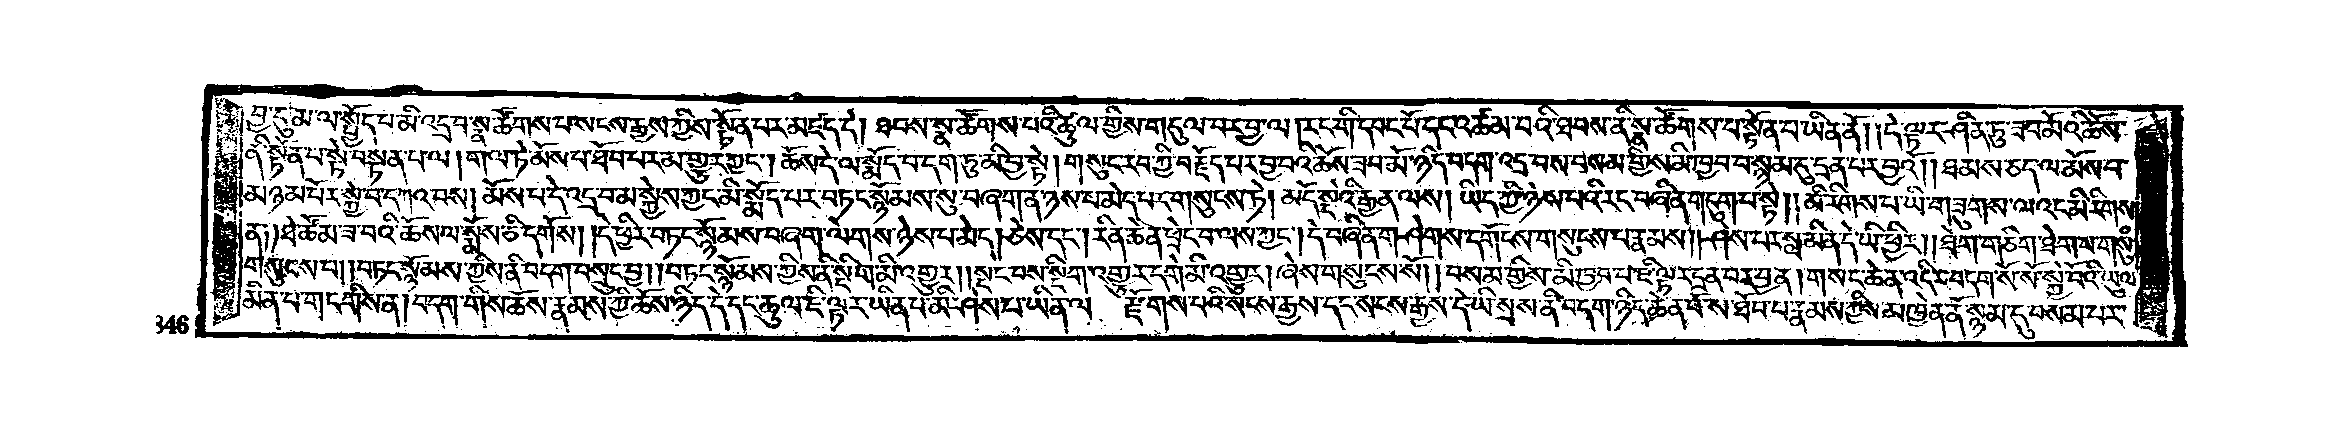བྱ་དུ་མ་ལ་སྤྱོད་པ་མི་འདྲ་བ་སྣ་ཚོགས་པ་སངས་རྒྱས་ཀྱིས་སྟོན་པར་མཛད་དེ། ཐབས་སྣ་ཚོགས་པའི་ཚུལ་གྱིས་གདུལ་བར་བྱ་ལ། རང་གི་དབང་པོ་དང་འཚམ་པའི་ཐབས་ནི་སྣ་ཚོགས་པ་སྟོན་པ་ཡིན་ནོ། །དེ་ལྟར་ཤིན་ཏུ་ཟབ་མོའི་ཆོས་
ནི་སྟོན་པ་སྟེ་བསྟན་པ་ལ། གལ་ཏེ་མོས་པ་ཐོབ་པར་མ་གྱུར་ཀྱང་། ཆོས་དེ་ལ་སྨོད་པ་དག་ཏུ་མི་བྱ་སྟེ། གསུང་རབ་ཀྱི་བརྗོད་པར་བྱ་བའི་ཆོས་ཟབ་མོ་ཉིད་བདག་འདྲ་བས་བསམ་གྱིས་མི་ཁྱབ་བོ་སྙམ་དུ་དྲན་པར་བྱའོ། །ཐམས་ཅད་ལ་མོས་པ་
མཉམ་པོར་སྐྱེ་བ་དཀའ་བས། མོས་པ་དེ་འདྲ་བ་མ་སྐྱེས་ཀྱང་མི་སྨོད་པར་བཏང་སྙོམས་སུ་བཞག་ན་ཉེས་པ་མེད་པར་གསུངས་ཏེ། མདོ་སྡེའི་རྒྱན་ལས། ཡིད་ཀྱི་ཉེས་པའི་རང་བཞིན་གདུག་པ་སྟེ། །མི་རིགས་པ་ཡི་གཟུགས་ལའང་མི་རིགས་
ན། །ཐེ་ཚོམ་ཟ་བའི་ཆོས་ལ་སྨོས་ཅི་དགོས། །དེ་ཕྱིར་བཏང་སྙོམས་བཞག་ལེགས་ཉེས་པ་མེད། ཅེས་དང་། རིན་ཆེན་ཕྲེང་བ་ལས་ཀྱང་། དེ་བཞིན་གཤེགས་དགོངས་གསུངས་པ་རྣམས། །ཤེས་པར་སླ་མིན་དེ་ཡི་ཕྱིར། །ཐེག་གཅིག་ཐེག་པ་གསུམ་
གསུངས་པ། །བཏང་སྙོམས་ཀྱིས་ནི་བདག་བསྲུང་བྱ། །བཏང་སྙོམས་ཀྱིས་ནི་སྡིག་མི་འགྱུར། །སྡང་བས་སྡིག་འགྱུར་དགེ་མི་འགྱུར། ཞེས་གསུངས་སོ། །བསམ་གྱིས་མི་ཁྱབ་པ་ཇི་ལྟར་དྲན་པར་བྱ་ན། གསང་ཆེན་འདིར་བདག་སོ་སོ་སྐྱེ་བོའི་ཡུལ་
མིན་པ་གང་གིས་ན། བདག་གིས་ཆོས་རྣམས་ཀྱི་ཆོས་ཉིད་དེ་དང་ཚུལ་ཇི་ལྟར་ཡིན་པ་མི་ཤེས་པ་ཡིན་ལ། རྫོགས་པའི་སངས་རྒྱས་དང་སངས་རྒྱས་དེ་ཡི་སྲས་ནི་བདག་ཉིད་ཆེན་པོ་ས་ཐོབ་པ་རྣམས་ཀྱིས་མཁྱེན་ནོ་སྙམ་དུ་བསམ་པར་